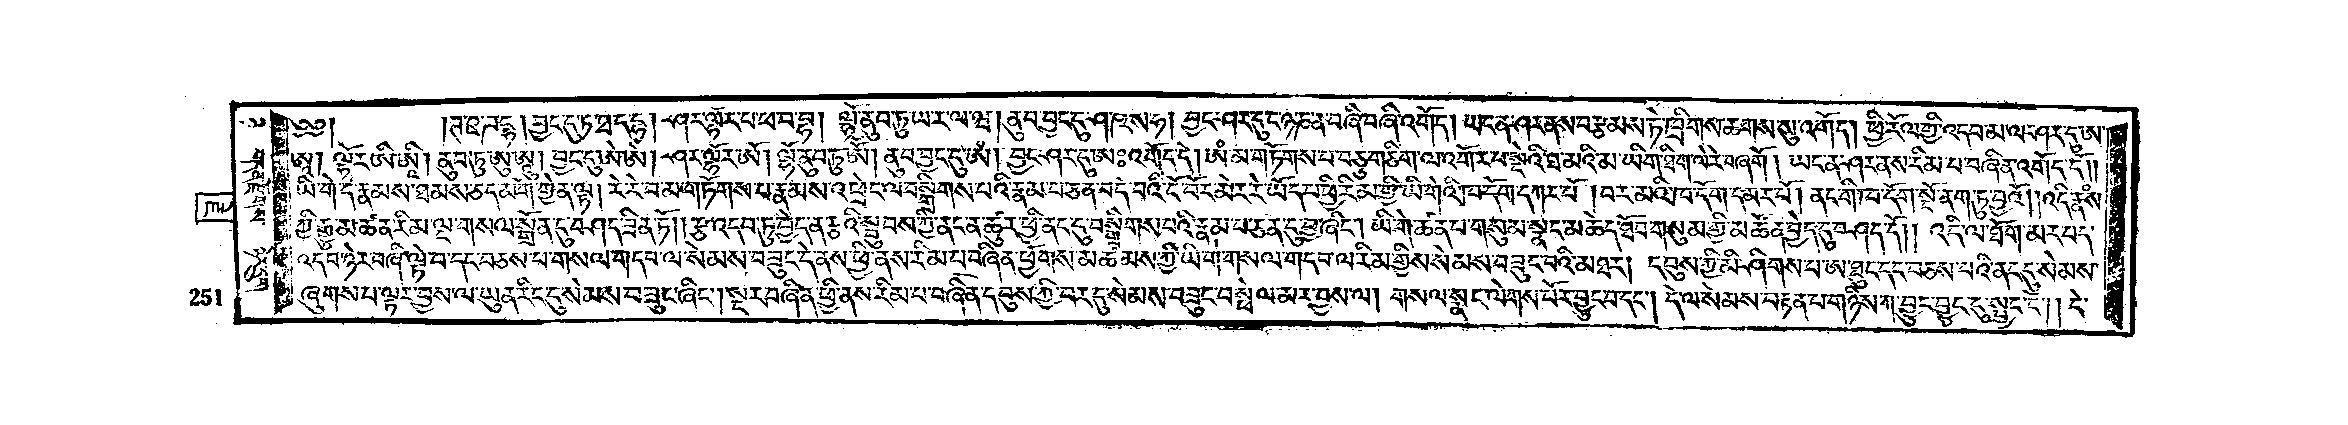༄༅། །ཊ་ཊཿཨ་ཌདྷ། བྱང་དུ་ཏ་ཐ་ད་དྷ། ཤར་ལྷོར་པ་ཕ་བ་བྷ། ལྷོ་ནུབ་ཏུ་ཡ་ར་ལ་ཝ། ནུབ་བྱང་དུ་ཤ་ཥ་ས་ཧ། བྱང་ཤར་དུ་ང་ཉ་ཎ་ན་བཞི་བཞི་འགོད། ཡང་ན་ཤར་ནས་བརྩམས་ཏེ་ཁྲིགས་ཆགས་སུ་འགོད། ཕྱི་རོལ་གྱི་འདབ་མ་ལ་ཤར་དུ་ཨ་
ཨཱ། ལྷོར་ཨི་ཨཱི། ནུབ་ཏུ་ཨུ་ཨཱུ། བྱང་དུ་ཨེ་ཨཻ། ཤར་ལྷོར་ཨོ། ལྷོ་ནུབ་ཏུ་ཨཽ། ནུབ་བྱང་དུ་ཨཾ། བྱང་ཤར་དུ་ཨཿ འགོད་དེ། ཨཾ་མ་གཏོགས་པ་བཅུ་གཅིག་ལ་འགོར་པ་སྡེའི་ཐ་མའི་མ་ཡིག་ཐིག་ལེ་རེ་བཞག་གོ །ཡང་ན་ཤར་ནས་རིམ་པ་བཞིན་འགོད་དོ། །
ཡི་གེ་དེ་རྣམས་ཐམས་ཅད་མོག་གྱེན་ལྟ། རེ་རེ་བ་མ་གཏོགས་པ་རྣམས་འཕྲེང་ལ་བསྒྲིགས་པའི་རྣམ་པ་ཅན་བདེ་བའི་ངོ་བོར་མེར་རེ་ཡོད་པ་ཕྱི་རིམ་གྱི་ཡི་གེའི་ཁ་དོག་དཀར་པོ། བར་མའི་ཁ་དོག་དམར་པོ། ནང་གི་ཁ་དོག་སྔོ་ནག་ཏུ་བྱའོ། །འདི་རྣམས་
ཀྱི་རྒྱུ་མཚན་རིམ་ལྔ་གསལ་སྒྲོན་དུ་བཤད་ཟིན་ཏོ། །རྩ་འདབ་ཏུ་བྱེད་ན་རྩའི་སྦུབས་ཀྱི་ནང་ན་ཚུར་ཕྱི་ནང་དུ་བསྒྲིགས་པའི་རྣམ་པ་ཅན་དུ་བྱ་ཞིང་། ཡི་གེ་ཚན་པ་གསུམ་སྣང་མཆེད་ཐོབ་གསུམ་གྱི་མཚོན་བྱེད་དུ་བཤད་དོ། །འདི་ལ་ཐོག་མར་པད་
འདབ་ཉེར་བཞི་ལྟེ་བ་དང་བཅས་པ་གསལ་གདབ་ལ་སེམས་བཟུང་དེ་ནས་ཕྱི་ནས་རིམ་པ་བཞིན་ཕྱོགས་མཚམས་ཀྱི་ཡི་གེ་གསལ་གདབ་ལ་རིམ་གྱིས་སེམས་བཟུང་བའི་མཐར། དབུས་ཀྱི་མི་ཤིགས་པ་ཨ་ཐུང་དང་བཅས་པའི་ནང་དུ་སེམས་
ཞུགས་པ་ལྟར་བྱས་ལ་ཡུན་རིང་དུ་སེམས་བཟུང་ཞིང་། སྔར་བཞིན་ཕྱི་ནས་རིམ་པ་བཞིན་དབུས་ཀྱི་བར་དུ་སེམས་བཟུང་བ་སྤེལ་མར་བྱས་ལ། གསལ་སྣང་ལེགས་པོར་བྱུང་བ་དང་། དེ་ལ་སེམས་བརྟན་པ་གཉིས་ཀ་བྱུང་བྱུང་དུ་སྦྱང་ངོ། །དེ་